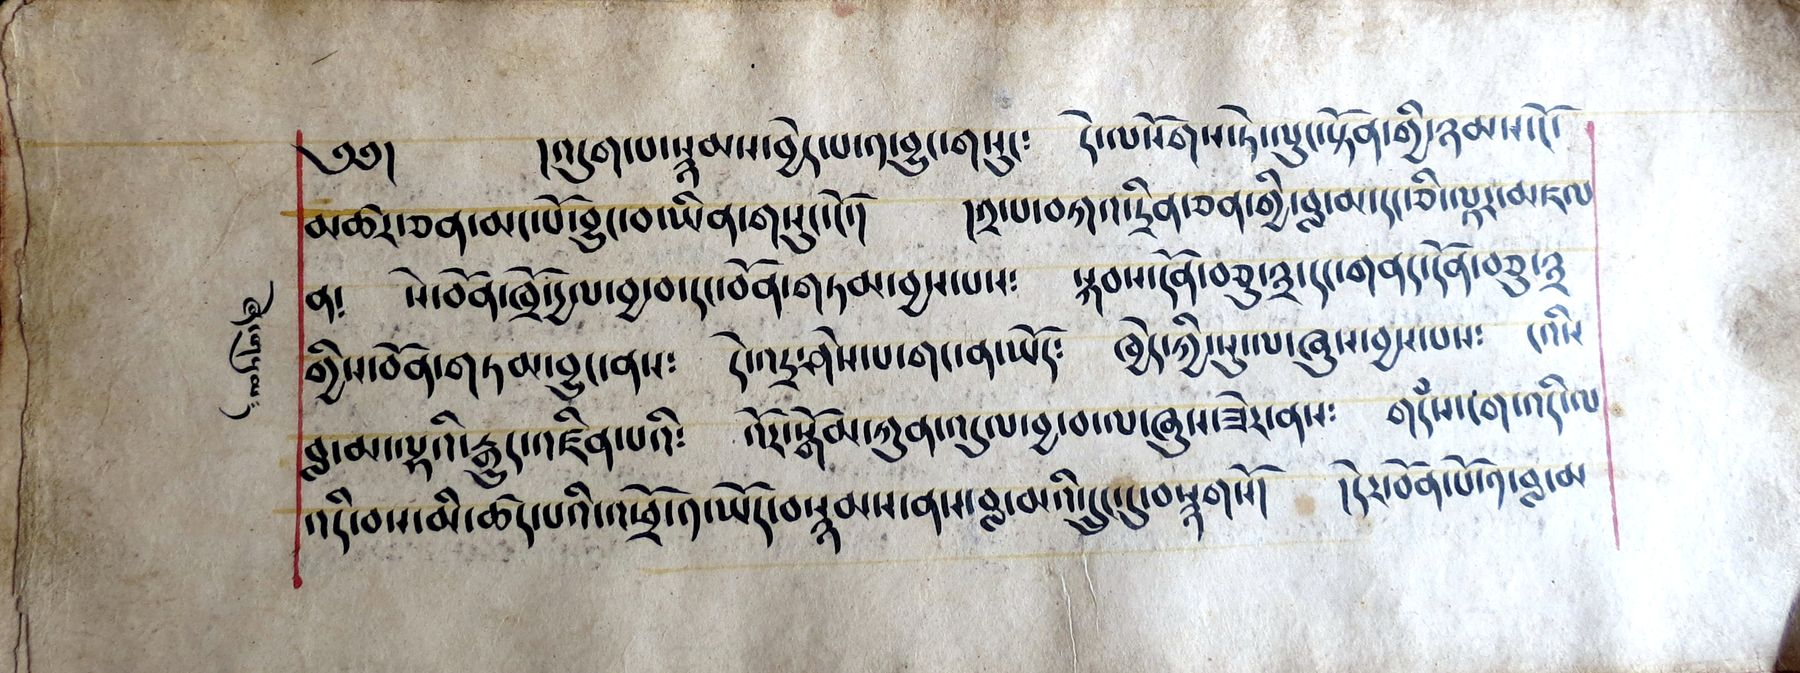འདུག་པ་སྙམ་བྱེད་པ་ཅིག་བྱུང་གསུངས། དེ་ལ་སོགས་ཏེ་ལུང་སྟོན་གྱི་ཉམས་ངོ་
མཚར་ཅན་མང་པོ་བྱུང་བ་ཡིན་གསུང་ངོ་། གཉིས་པ་བཀའ་དྲིན་ཅན་གྱི་བླ་མ་དང་ཅི་ལྟར་མཇལ་
ན། སེ་བོན་ཁྲོ་རྒྱལ་བྱ་བ་དང་བོན་གཏམ་བྱས་པས། སྐབས་དོན་བཅུ་གསུམ་དང་གནད་དོན་བཅུ་གསུམ་
གྱིས་བོན་གཏམ་བྱུང་ནས། དེ་འདྲ་ཤེས་པ་གང་ན་ཡོད། ཁྱེད་ཀྱིས་སུ་ལ་ཞུས་བྱས་པས། ངའི་
བླ་མ་ལྷའི་རྒྱུད་འཛིན་པའི། འོར་སྒོམ་ཀུན་འདུལ་བྱ་བ་ལ་ཞུས་ཟེར་ནས་གདམས་ངག་འདི་ལ་
འདི་བས་མི་ཚད་པའི་འཕྲོ་ཅིག་ཡོད་བསྙམས་ནས་བླ་མའི་དྲུང་དུ་བསྙགས་སོ། །དེར་བོན་པོ་ཅིག་བླ་མ་